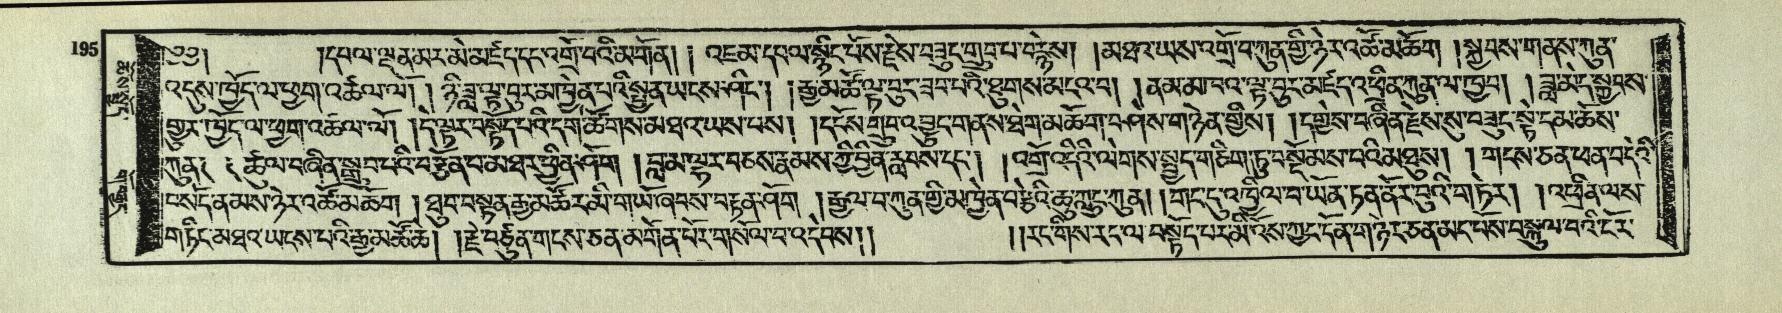༄༅། །དཔལ་ལྡན་མར་མེ་མཛད་དང་འགྲོ་བའི་མགོན། །འཇམ་དཔལ་སྙིང་པོས་རྗེས་བཟུང་གྲུབ་པ་བརྙེས། །མཐའ་ཡས་འགྲོ་བ་ཀུན་གྱི་ཉེར་འཚོ་མཆོག །སྐྱབས་གནས་ཀུན་
འདུས་ཁྱོད་ལ་ཕྱག་འཚལ་ལོ། །ཉི་ཟླ་ལྟ་བུར་མཁྱེན་པའི་སྤྱན་ཡངས་ཤིང༑ ༑རྒྱ་མཚོ་ལྟ་བུར་ཟབ་པའི་ཐུགས་མངའ་བ། །ནམ་མཁའ་ལྟ་བུར་མཛད་འཕྲིན་ཀུན་ལ་ཁྱབ། །ཟླ་མེད་སྐྱབས་
གྱུར་ཁྱོད་ལ་ཕྱག་འཚལ་ལོ། །དེ་ལྟར་བསྟོད་པའི་དགེ་ཚོགས་མཐའ་ཡས་པས། །དངོས་གྲུབ་འབྱུང་གནས་ཐེག་མཆོག་བཤེས་གཉེན་གྱིས། །དགྱེས་བཞིན་རྗེས་སུ་བཟུང་སྟེ་དམ་ཆོས་
ཀུན༑ ༑ཚུལ་བཞིན་སྒྲུབ་པའི་བརྩོན་པ་མཐར་ཕྱིན་ཤོག །བླ་མ་ལྷར་བཅས་རྣམས་ཀྱི་བྱིན་རླབས་དང་། །འགྲོ་འདིའི་ལེགས་སྤྱད་གཅིག་ཏུ་བསྡོམས་པའི་མཐུས། །གངས་ཅན་ཕན་བདེའི་
བསོད་ནམས་ཉེར་འཚོ་མཆོག །ཐུབ་བསྟན་རྒྱ་མཚོར་མི་གཡོ་ཞབས་བརྟན་ཤོག །རྒྱལ་བ་ཀུན་གྱི་མཁྱེན་བརྩེའི་ཆུ་ཀླུང་ཀུན། །གང་དུ་འཁྱིལ་བ་ཡོན་ཏན་ནོར་བུའི་གཏེར། །འཕྲིན་ལས་
གཏིང་མཐའ་ཡངས་པའི་རྒྱ་མཚོ་ཆེ། །རྗེ་བཙུན་གངས་ཅན་མགོན་པོར་གསོལ་བ་འདེབས།། །།རང་གིས་རང་ལ་བསྟོད་པར་མི་འོས་ཀྱང་དོན་གཉེར་ཅན་མང་པོས་བསྐུལ་བའི་ངོར་